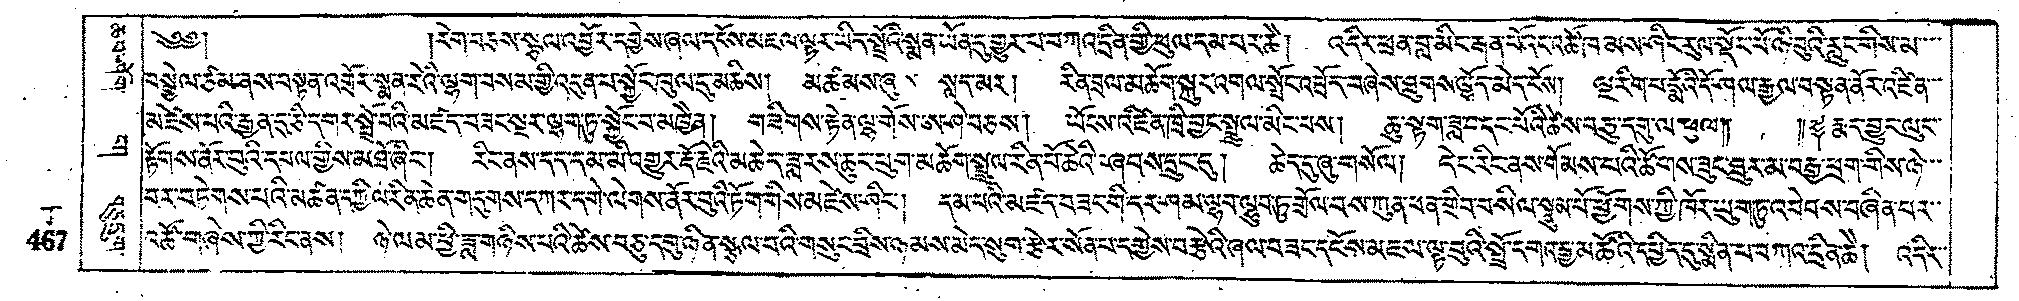༄༅། །རེག་བཅས་སྩལ་འབྱོར་དགྱེས་ཞལ་དངོས་མཇལ་ལྟར་ཡིད་སྤྲོའི་སྨན་ཡོན་དུ་གྱུར་པ་བཀའ་དྲིན་གྱི་ཕུལ་དམ་པར་ཆཻ། འདིར་ཕྲན་བླ་མིང་རྒན་པོའང་འཚོ་ཁམས་ཤིང་རུལ་སྡོང་པོ་ཉི་བུའི་རླུང་གིས་མ་་་
བསྒྱེལ་ཙམ་ནས་བསྟན་འགྲོར་སྨན་རེའི་ལྷག་བསམ་གྱི་འདུན་པ་སྐྱོང་ཁུལ་དུ་མཆིས། མཚམས་ཞུ་྾་སླད་མར། རིན་བྲལ་མཆོག་སྐུར་འགལ་སྤོང་འཕྲོད་བཞེས་ཐུགས་ལྷོད་མེད་ངོས། ལྔ་རིག་པདམོའི་དོ་ཤལ་རྒྱལ་བསྟན་ནོར་འཛིན་་་
མཛེས་པའི་རྒྱན་དུ་ཅི་དགར་སྤྲོ་བའི་མཛད་བཟང་སྔར་ལྷག་ཏུ་སྐྱོང་བ་མཁྱཻན། གཟིགས་རྟེན་ལྷ་གོས་ཨ་ཤེ་བཅས། ཡོངས་འཛིན་ཁྲི་བྱང་སྤྲུལ་མིང་པས། ཆུ་སྟག་ཟླ་བ་དང་པོའི་ཚེ་བཅུ་དགུ་ལ་ཕུལ།། །། འ་རྨད་བྱུང་ལུང་་་
རྟོགས་ནོར་བུའི་དཔལ་གྱིས་མཐོ་ཞིང་། རིང་ནས་དད་དམ་མི་འགྱུར་རྡོ་རྗེའི་མཆེད་ཟླ་རས་ཆུང་ཕུག་མཆོག་སྤྲུལ་རིན་པོ་ཆེའི ༧ཞབས་དྲུང་དུ། ཆེད་དུ་ཞུ་གསོལ། དེང་རིང་ནས་གོམས་པའི་ཚོགས་ཟུང་ཐུར་མ་བརྒྱ་ཕྲག་གིས་ཉེ་་་
བར་བཏེགས་པའི་མཚན་དཀྱིལ་རིན་ཆེན་གདུགས་དཀར་དགེ་ལེགས་ནོར་བུའི་ཏོག་གིས་མཛེས་ཤིང་། དམ་པའི་མཛད་བཟང་གི་དར་ཤམ་ལྷབ་ལྷུབ་ཏུ་གྲོལ་བས་ཀུན་ཕན་གྲིབ་བསིལ་སྣུམ་པོ་ཕྱོགས་ཀྱི་ཁོར་ཡུག་ཏུ་འབེབས་བཞིན་པར་་་
འཚོ་གཞེས་ཀྱི་རིང་ནས། ཉེ་ལམ་ཕྱི་ཟླ་གཉིས་པའི་ཚེས་བཅུ་དགུ་ཉིན་སྩལ་བའི་གསུང་བྲིས་ཉམས་མེད་སུག་རྩེར་སོན་པ་དགྱེས་བརྩེའི་ཞལ་བཟང་དངོས་མཇལ་ལྟ་བུའི་སྤྲོ་དགའ་རྒྱ་མཚོའི་དཔྱིད་དུ་སྨིན་པ་བཀའ་དྲིན་ཆཻ། འདིར་་་